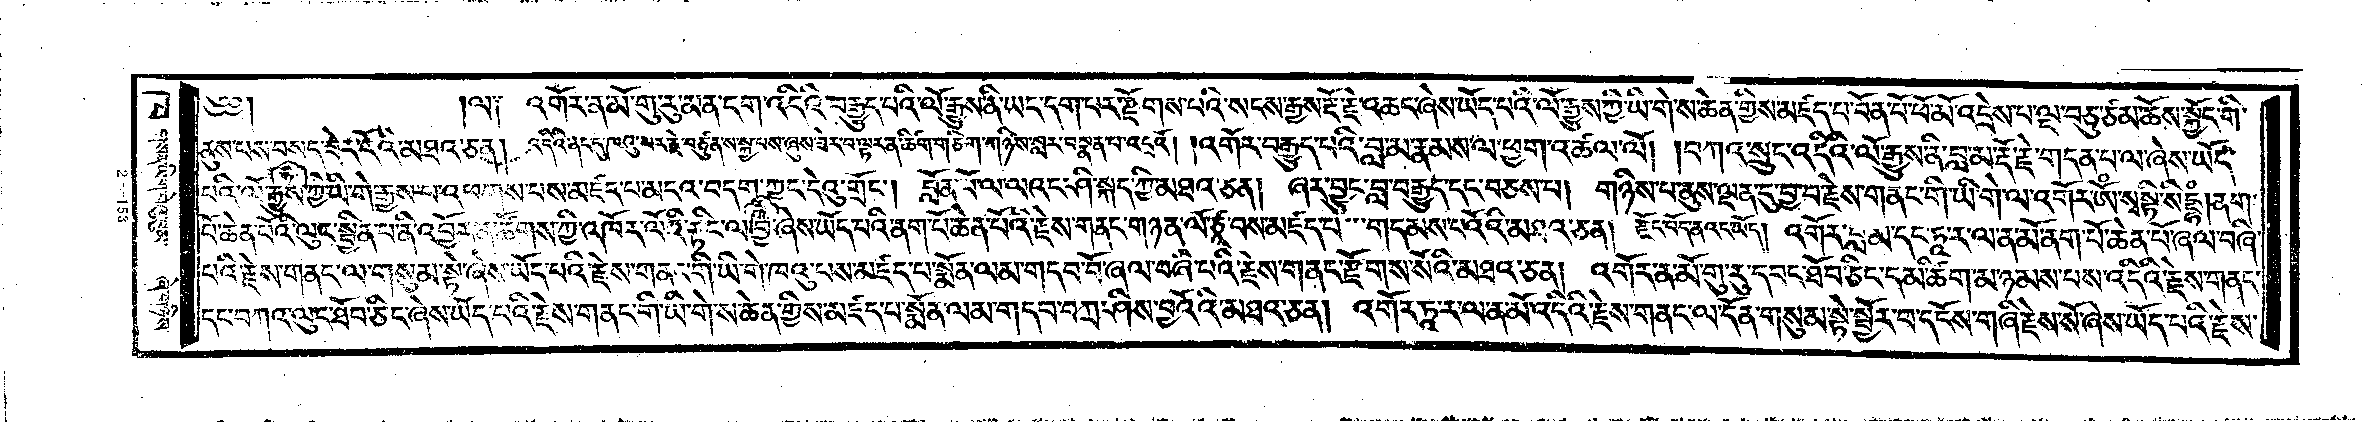༄༅། །ལ༑ འགོར་ན་མོ་གུ་རུ་མན་ངག་འདིའི་བརྒྱུད་པའི་ལོ་རྒྱུས་ནི་ཡང་དག་པར་རྫོགས་པའི་སངས་རྒྱས་རྡོ་རྗེ་འཆང་ཞེས་ཡོད་པའི་ལོ་རྒྱུས་ཀྱི་ཡི་གེ་ས་ཆེན་གྱིས་མཛད་པ་བོན་པོ་ཕོ་མོ་འདྲེས་པ་ལྔ་བཅུ་ཙམ་ཆོས་སྐྱོང་གི་
ནུས་པས་བསད་ཟེར་རོའི་མཐའ་ཅན། འདིའི་ནང་དུ་ཁའུ་པར་རྗེ་བཙུན་ས་སྐྱབས་ཞུས་ཟེར་བ་ལྟར་ན་ཚིག་གཅིག་གཉིས་སླར་བསྣན་པ་འདྲའོ། ་།འགོར་བརྒྱུད་པའི་བླ་མ་རྣམས་ལ་ཕྱག་འཚལ་ལོ། །བཀའ་སྲུང་འདིའི་ལོ་རྒྱུས་ནི་བླ་མ་རྡོ་རྗེ་གདན་པ་ལ་ཞེས་ཡོད་
པའི་ལོ་རྒྱུས་ཀྱི་ཡི་གེ་རྒྱས་པ་འཕགས་པས་མཛད་པ་མངའ་བདག་ཀྱང་དེའུ་གྲོང་། བློན་པོ་ལ་ལའང་ཤི་སྐད་ཀྱི་མཐའ་ཅན། ཞར་བྱུང་བླ་བརྒྱུད་དང་བཅས་པ། གཉིས་པ་ནུས་ལྡན་དུ་བྱ་བ་རྗེས་གནང་གི་ཡི་གེ་ལ་འགོར་ཨོཾ་སྭསྟི་སིདྡྷཾ། ནག་
པོ་ཆེན་པོའི་ལུང་སྦྱིན་པ་ནི་འབྱོར་ན་ཚོགས་ཀྱི་འཁོར་ལོའི་རྟིང་ལ་བྱ་ཞེས་ཡོད་པའི་ནག་པོ་ཆེན་པོའི་རྗེས་གནང་གཉན་ལོ་ཙཱ་བས་མཛད་པ་གདམས་པའོའི་མཐའ་ཅན། རྫོང་པོད་ནའང་ཡོད།  འགོར་བླ་མ་དང་ཏཱ་ར་ལ་ན་མོ་ནག་པོ་ཆེན་པོ་ཞལ་བཞི་
པའི་རྗེས་གནང་ལ་གསུམ་སྟེ་ཞེས་ཡོད་པའི་རྗེས་གནང་གི་ཡི་གེ་ཁའུ་པས་མཛད་པ་སྨོན་ལམ་གདབ་བོ་ཞལ་བཞི་པའི་རྗེས་གནང་རྫོགས་སོའི་མཐའ་ཅན། འགོར་ན་མོ་གུ་རུ་དབང་ཐོབ་ཅིང་དམ་ཚིག་མ་ཉམས་པས་འདིའི་རྗེས་གནང་
དང་བཀའ་ལུང་ཐོབ་ཅིང་ཞེས་ཡོད་པའི་རྗེས་གནང་གི་ཡི་གེ་ས་ཆེན་གྱིས་མཛད་པ་སྨོན་ལམ་གདབ་བཀྲ་ཤིས་བྱའོའི་མཐའ་ཅན། འགོར་ཏཱ་ར་ལན་མོ་འདིའི་རྗེས་གནང་ལ་དོན་གསུམ་སྟེ་སྦྱོར་བ་དངོས་གཞི་རྗེས་སོ་ཞེས་ཡོད་པའི་རྗེས་